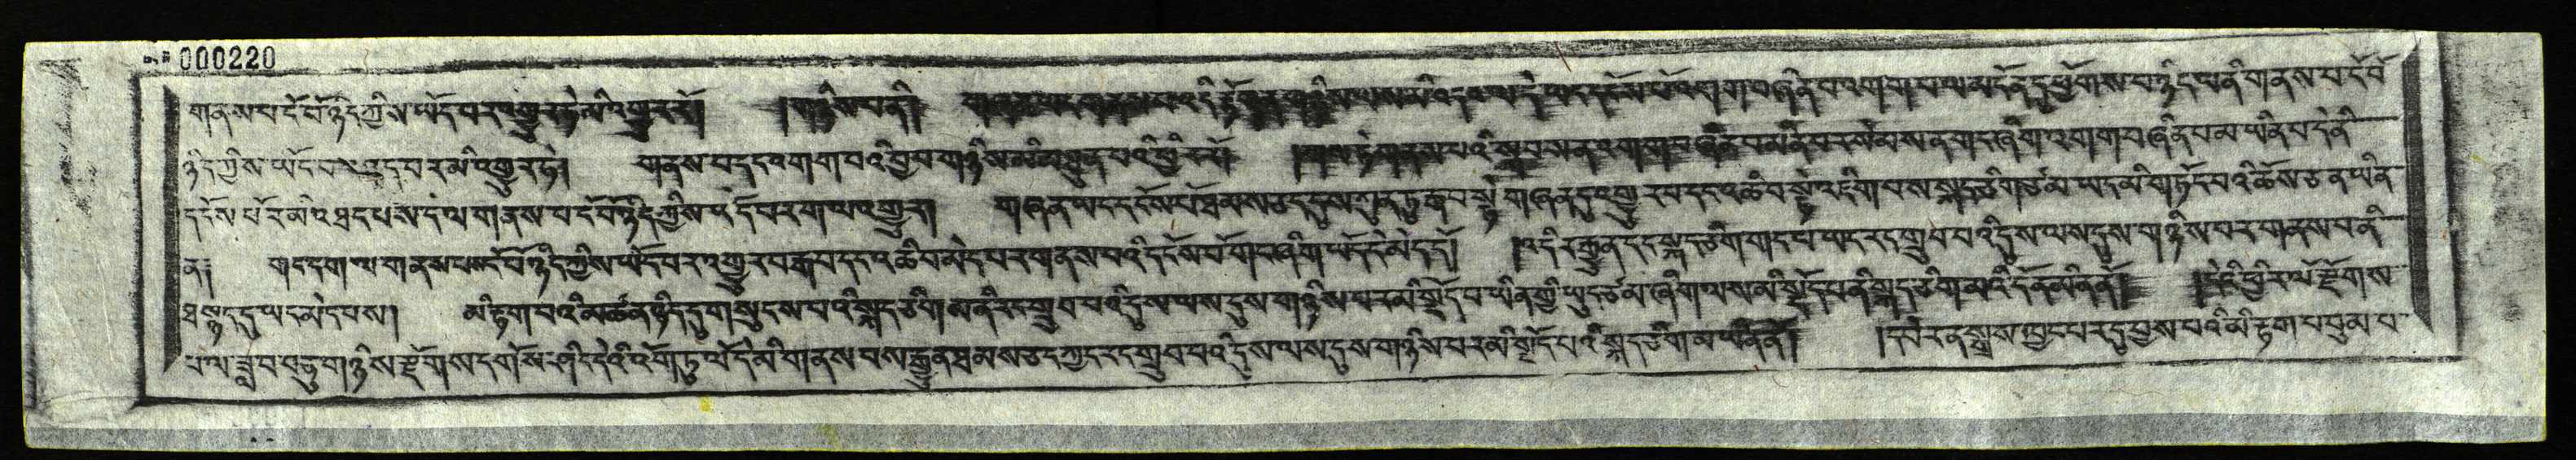གནས་པ་ངོ་བོ་ཉིད་ཀྱིས་ཡོད་པར་འགྱུར་ཏེ་མི་འགྱུར་རོ། །གཉིས་པ་ནི། གཞན་ཡང་གནས་པ་འདི་རྟོག་ན་གཉིས་ལས་མི་འདའ་ལ་དེ་ཡང་དངོས་པོ་འགག་བཞིན་པ་འགག་པ་ལ་མངོན་དུ་ཕྱོགས་བ་ཉིད་ལ་ནི་གནས་པ་ངོ་བོ་
ཉིད་ཀྱིས་ཡོང་བ་འཐད་པར་མི་འགྱུར་ཏེ། གནས་པ་དང་འགག་པའི་བྱ་བ་གཉིས་མི་མཐུན་པའི་ཕྱིར་རོ། །གལ་ཏེ་གནས་པའི་སྐབས་ན་འགག་བཞིན་བ་མིན་པར་སེམས་ན་གང་ཞིག་འགག་བཞིན་པ་མ་ཡིན་པ་དེ་ནི་
དངོས་པོར་མི་འཐད་པས་དེ་ལ་གནས་པ་ངོ་བོ་ཉིད་ཀྱིས་འོད་པར་ག་ལ་འགྱུར། གཞན་ཡང་དངོས་པོ་ཐམས་ཅད་དུས་ཀུན་ཏུ་རྒ་བ་སྟེ་གཞན་དུ་འགྱུར་བ་དང་འཆི་བ་སྟེ་འཇིག་པས་སྐད་ཅིག་ཙམ་ཡང་མི་གཏོང་བའི་ཆོས་ཅན་ཡིན་
ན༑ གང་དག་ལ་གནས་པས་ངོ་བོ་ཉིད་ཀྱིས་ཡོད་པར་འགྱུར་བ་རྒ་བ་དང་འཆི་བ་མེད་པར་གནས་པའི་དངོས་པོ་གང་ཞིག་ཡོད་དེ་མེད་དོ། །འདིར་རྒྱུན་དང་སྐད་ཅིག་གང་ལ་ཡང་རང་གྲུབ་པའི་དུས་ལས་དུས་གཉིས་པར་གནས་པ་ནི་
ཐ་སྙད་དུ་ཡང་མེད་པས། མི་རྟག་པའི་མཚན་ཉིད་དུ་གསུངས་པའི་སྐད་ཅིག་མ་ནི་རང་གྲུབ་པའི་དུས་ལས་དུས་གཉིས་པར་མི་སྡོད་པ་ཡིན་གྱི་ཡུད་ཙམ་ཞིག་ལས་མི་སྡོད་པ་ནི་སྐད་ཅིག་མའི་དོན་མིན་ནོ། །དེའི་ཕྱིར་ལོ་རྫོགས་
པ་ལ་ཟླ་བ་བཅུ་གཉིས་རྫོགས་དགོས་ཤིང་དེའི་འོག་ཏུ་ལོ་དེ་མི་གནས་པས་རྒྱུན་ཐམས་ཅད་ཀྱང་རང་གྲུབ་པའི་དུས་ལས་དུས་གཉིས་པར་མི་སྡོད་པའི་སྐད་ཅིག་མ་ཡིན་ནོ། །དཔེར་ན་སྒྲས་ཁྱད་པར་དུ་བྱས་པའི་མི་རྟག་པ་བུམ་པ་